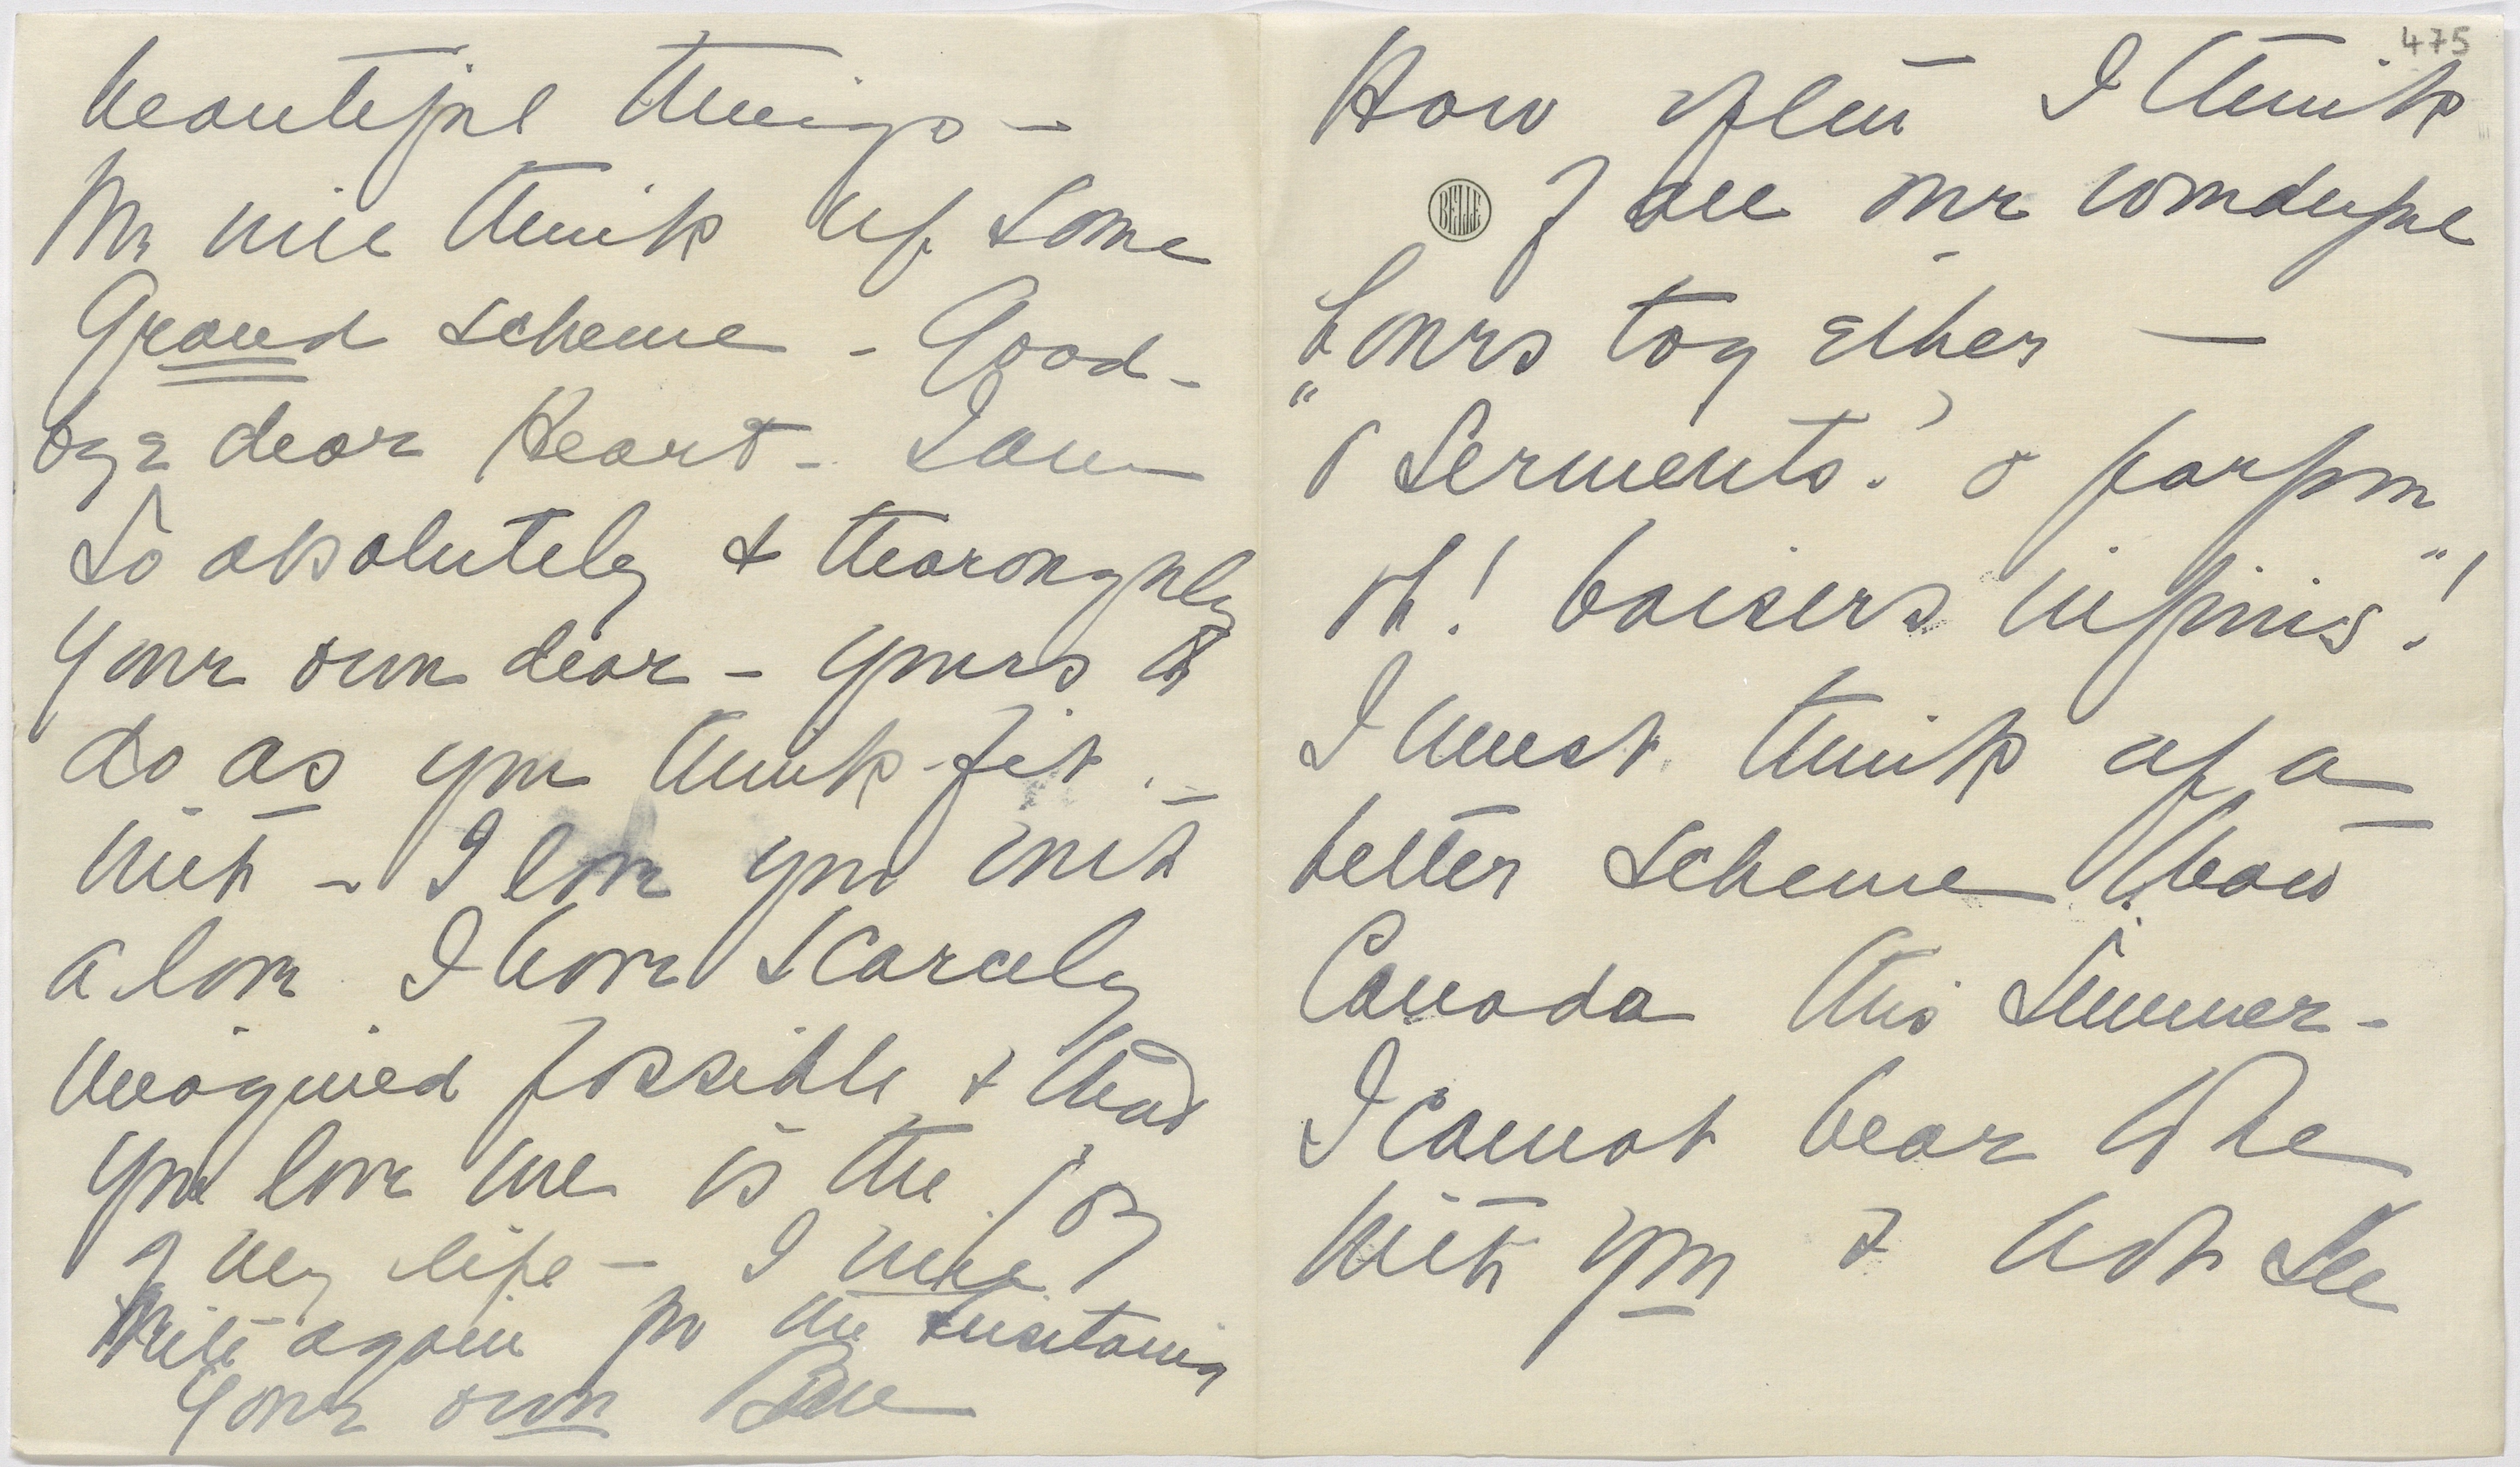How often I think of all our wonderful hours together – “o serments! o parfum oh! baisers infinis”! I must think up a better scheme than Canada this summer – I cannot bear to be with you & not see
beautiful things –
We will think up some [double underlined: grand] scheme – Goodbye dear Heart – I am so absolutely & thoroughly your own dear – yours to do as you think fit with – I love you with a love I have scarcely imagined possible & that you love me is the joy of my life – I will write again for the Lusitania
Your own Belle